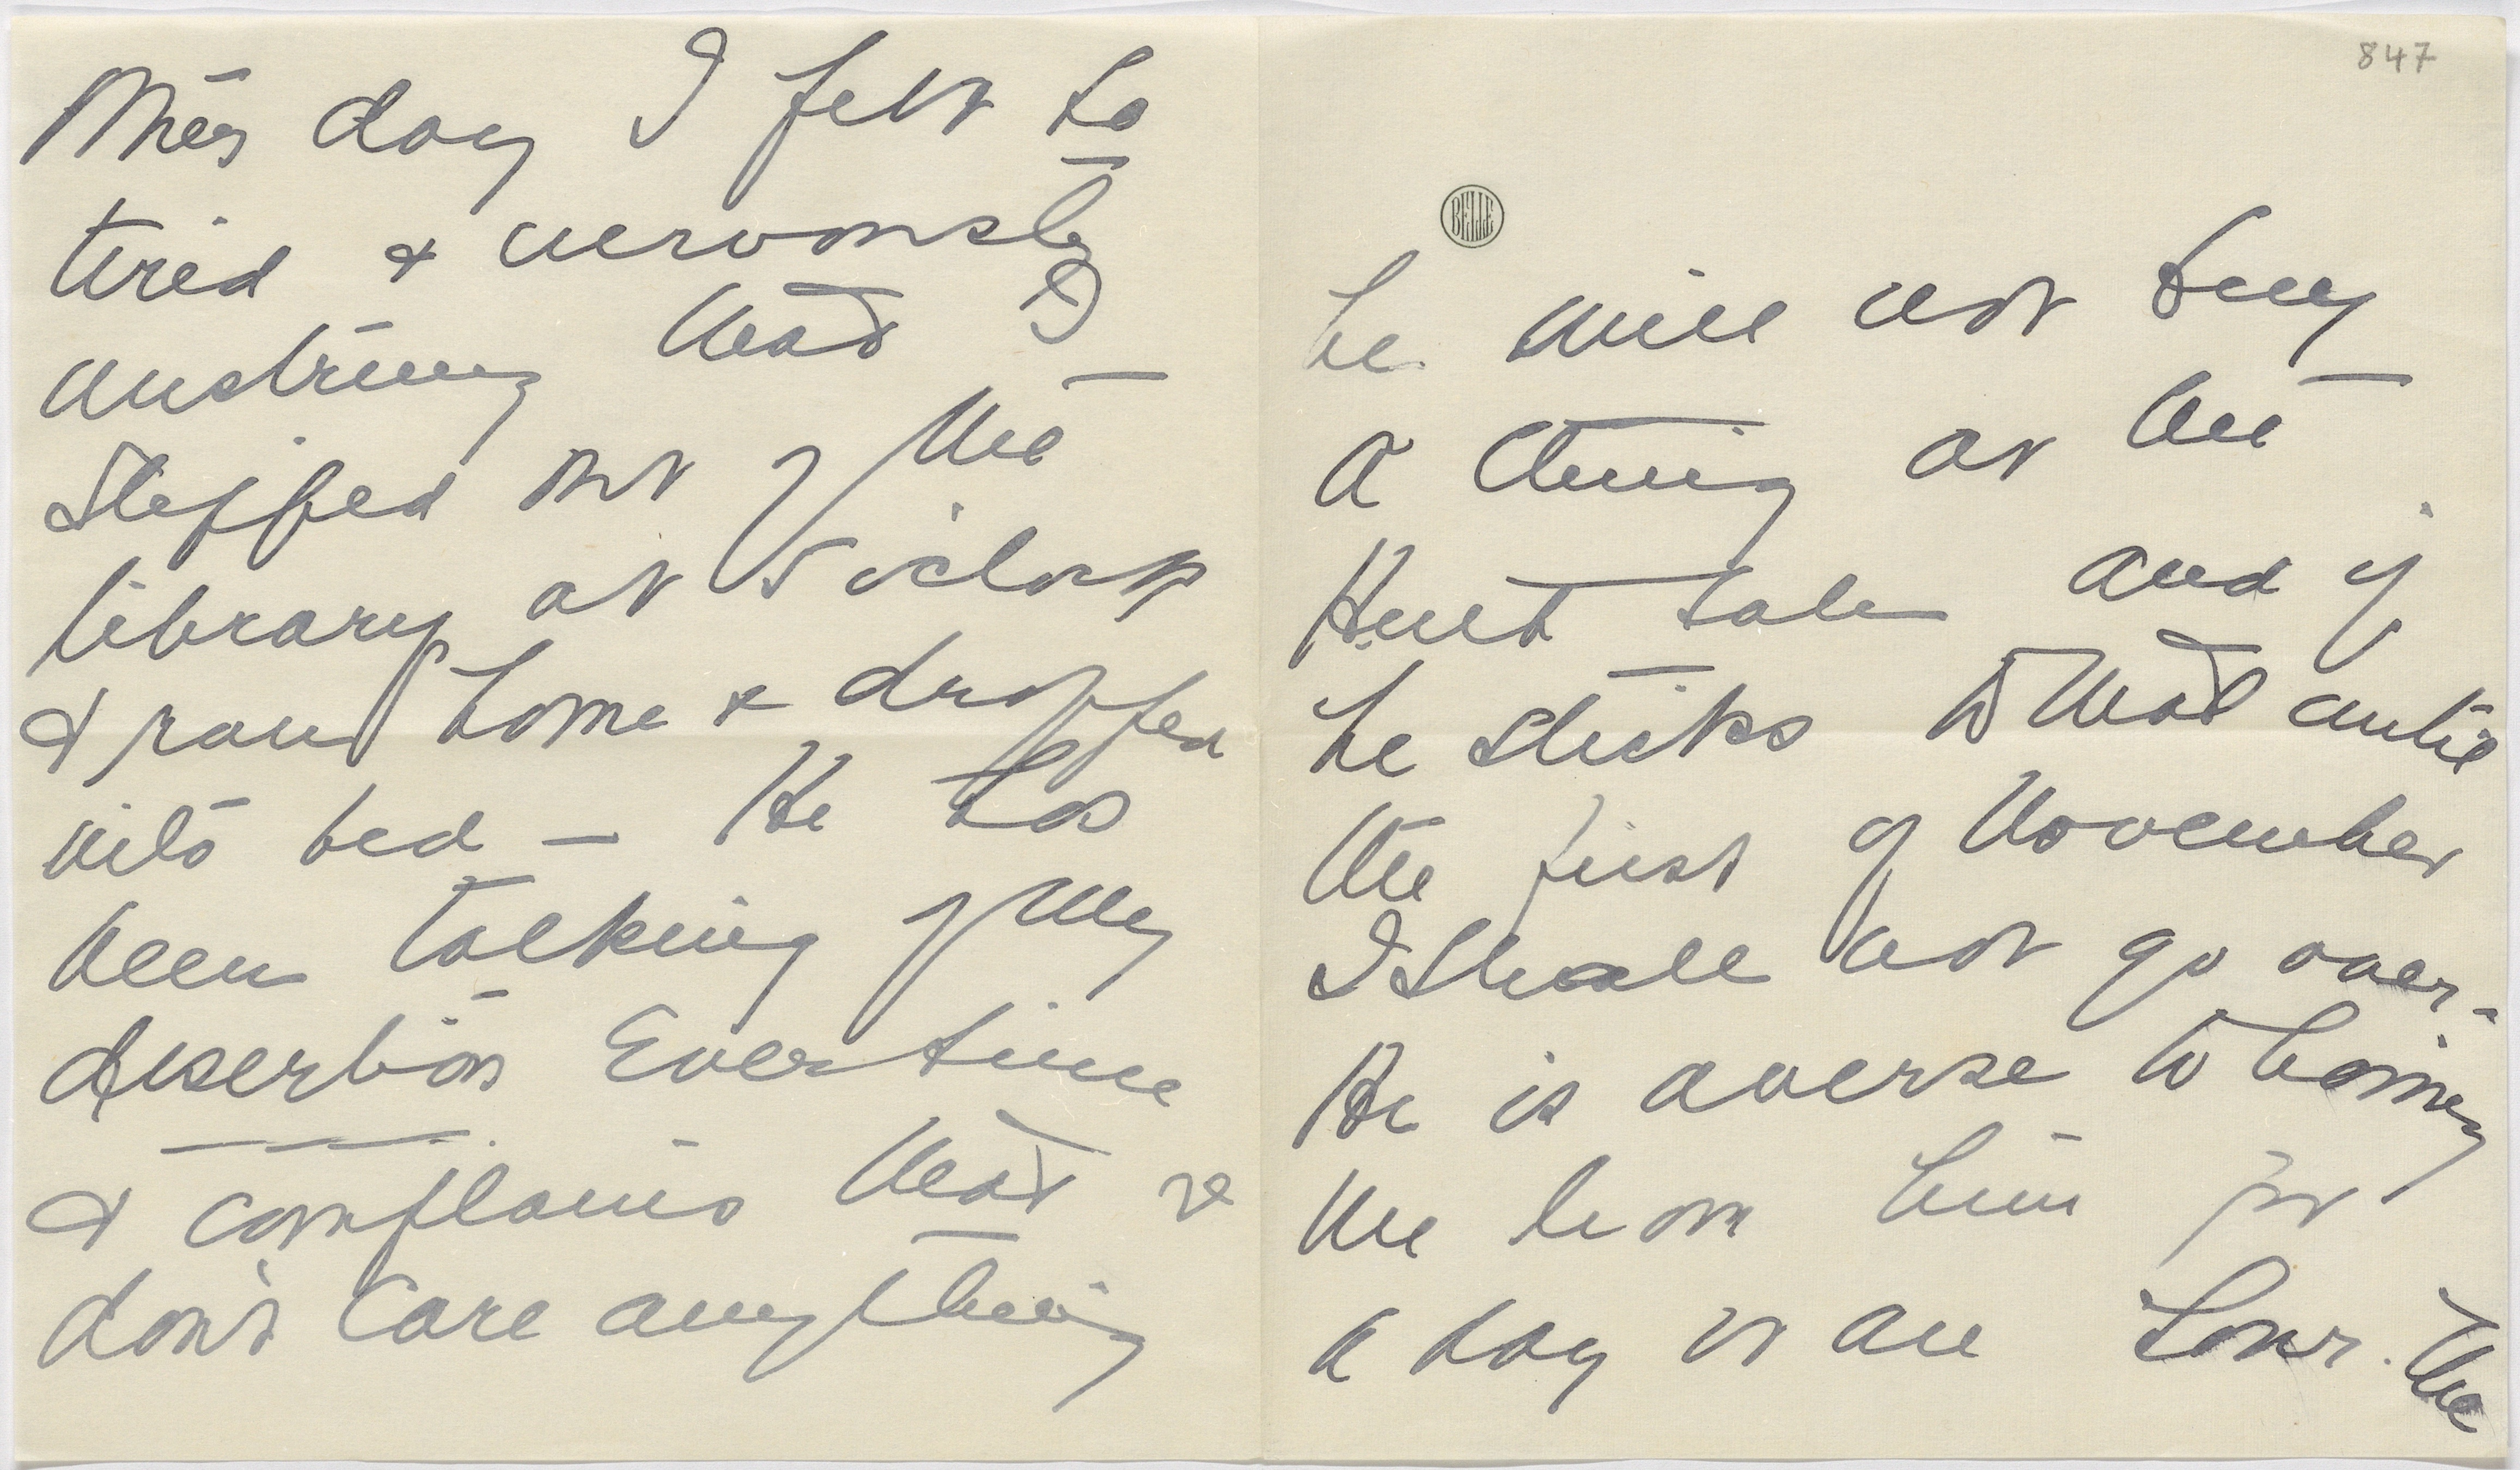he will not buy a thing at the Huth Sale and if he sticks to that until the first of November I shall not go over – He is averse to having me leave him for a day or an hour. The
other day I felt so tired & nervously unstrung that I slipped out of the library at 5 o’clock & ran home & dropped into bed – He has been talking of my desertion ever since & complains that I don’t care anything